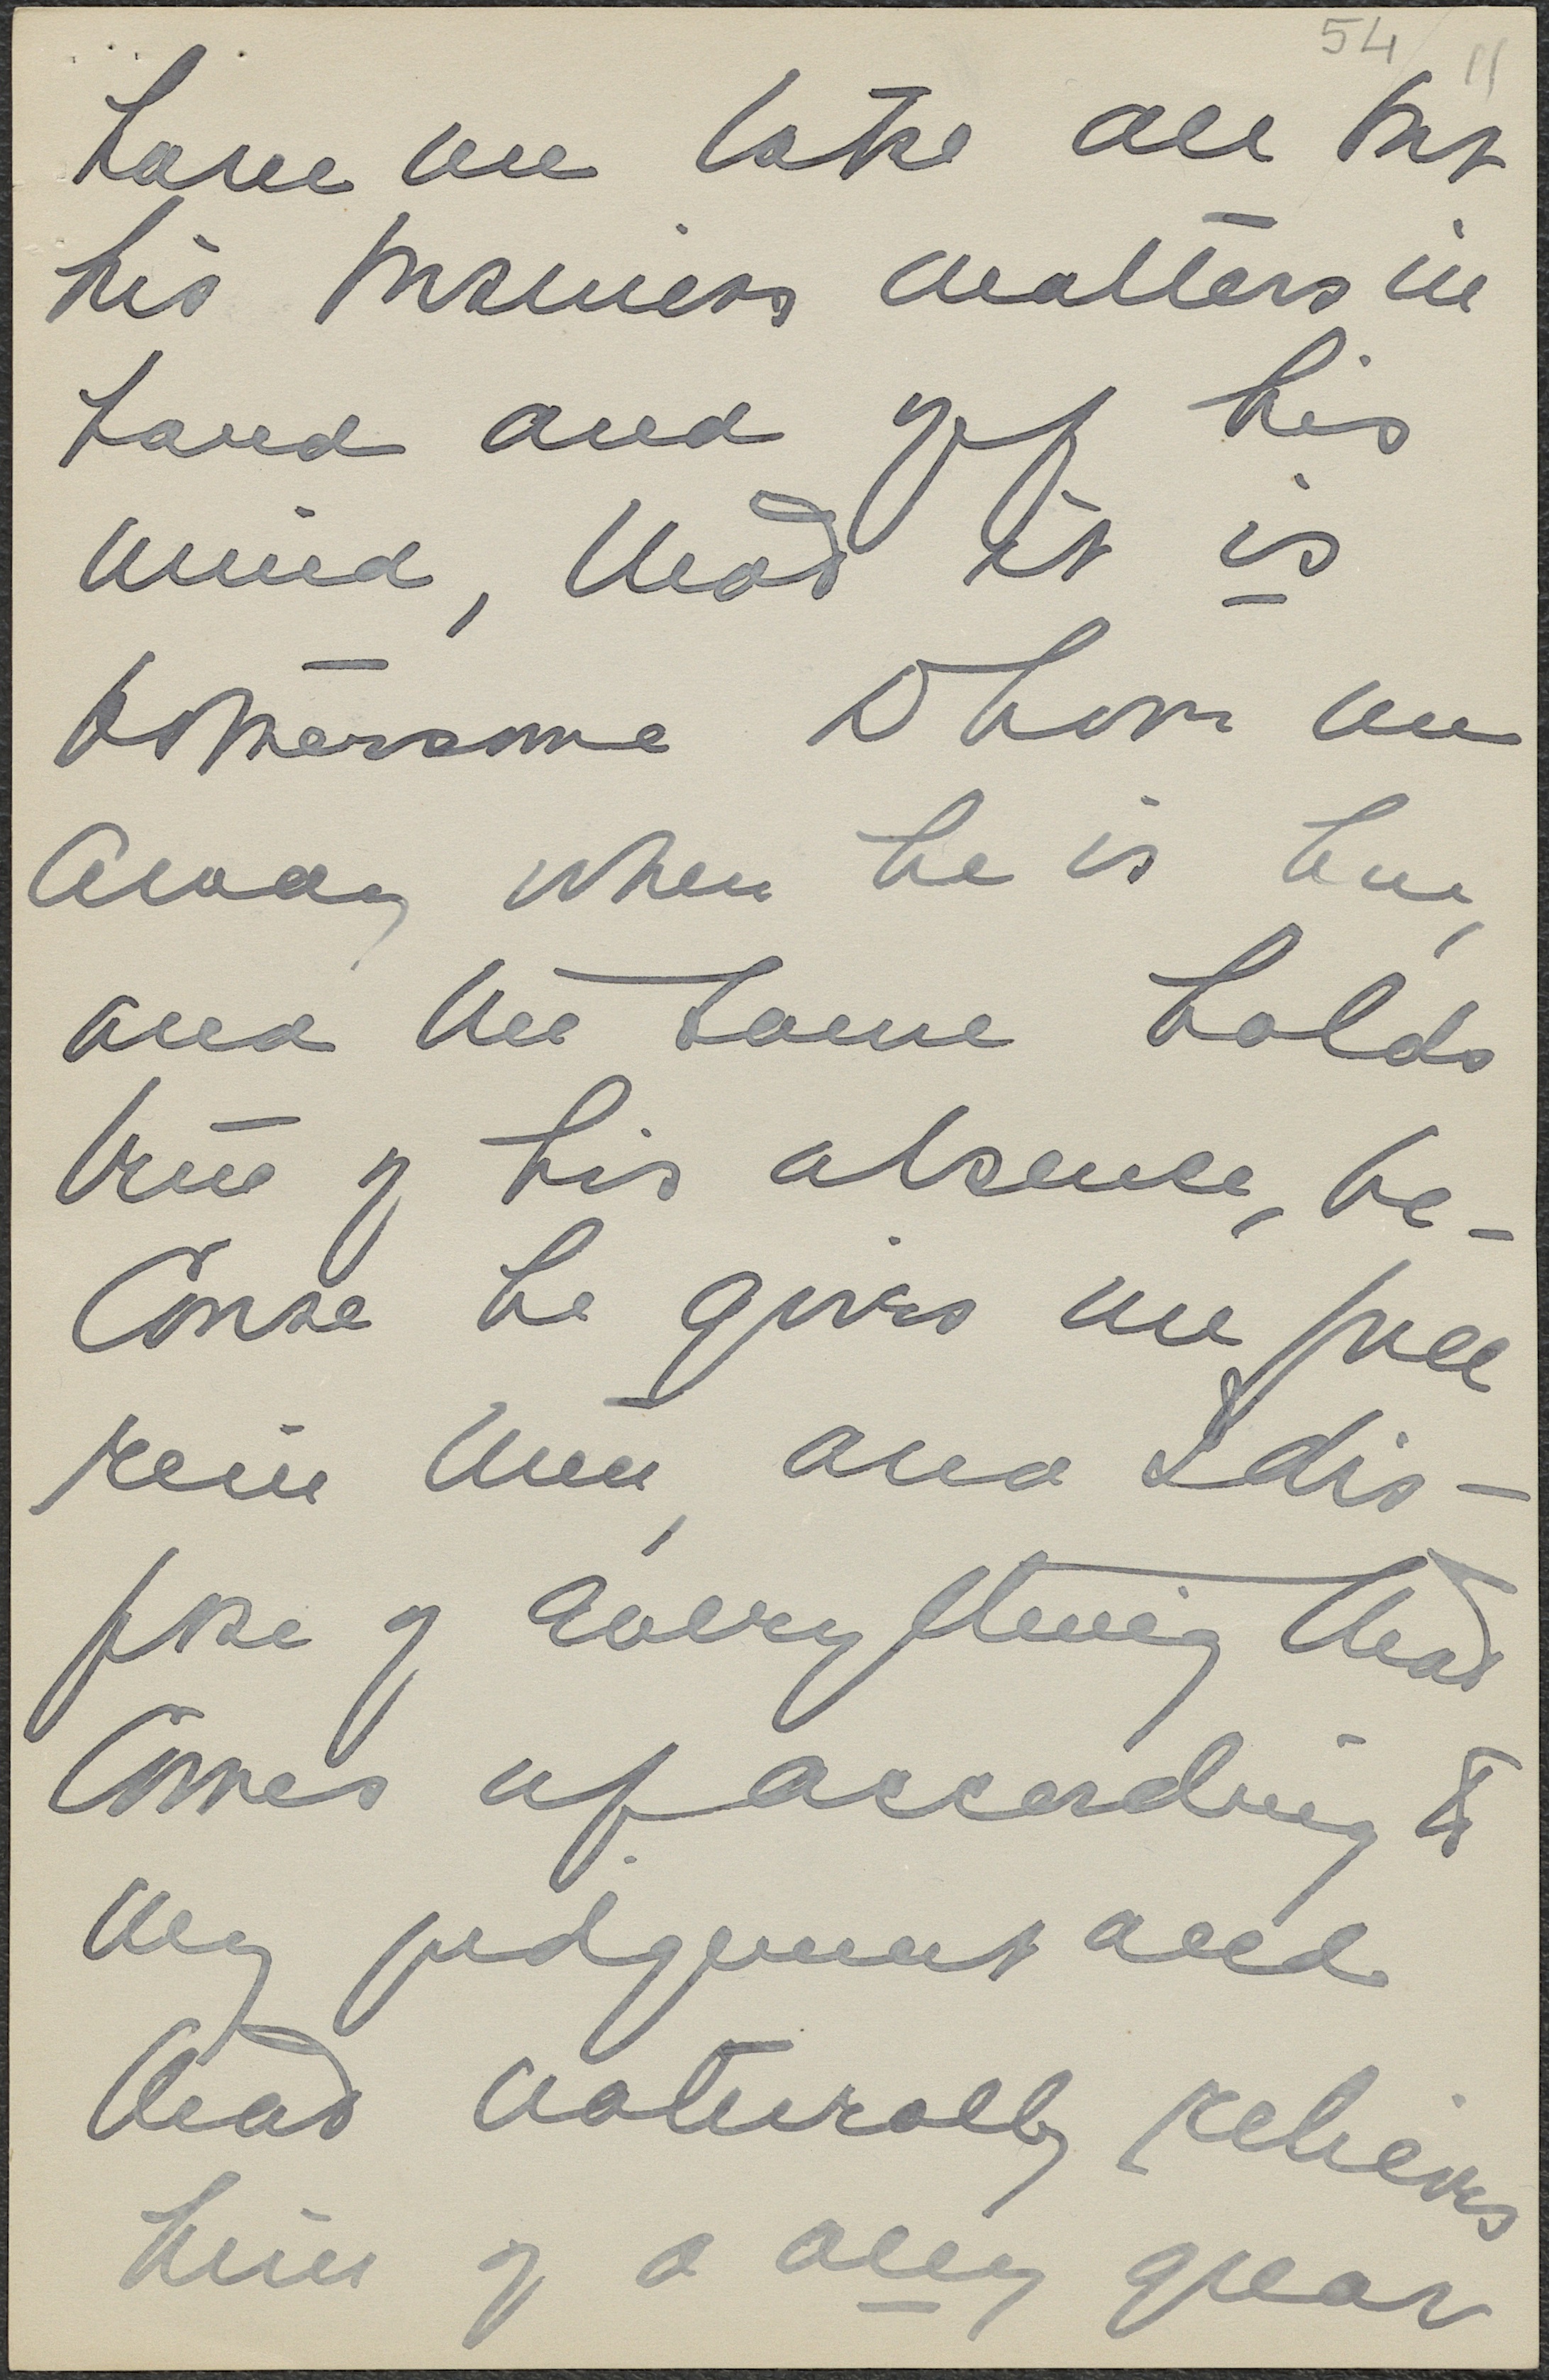have me take all but his business matters in hand and off his mind, that it is bothersome to have me handy when he is here, and the same holds true of his absence, because he gives me full rein then, and I dispose of everything that comes up according to my judgement and that naturally relieves him of a very great